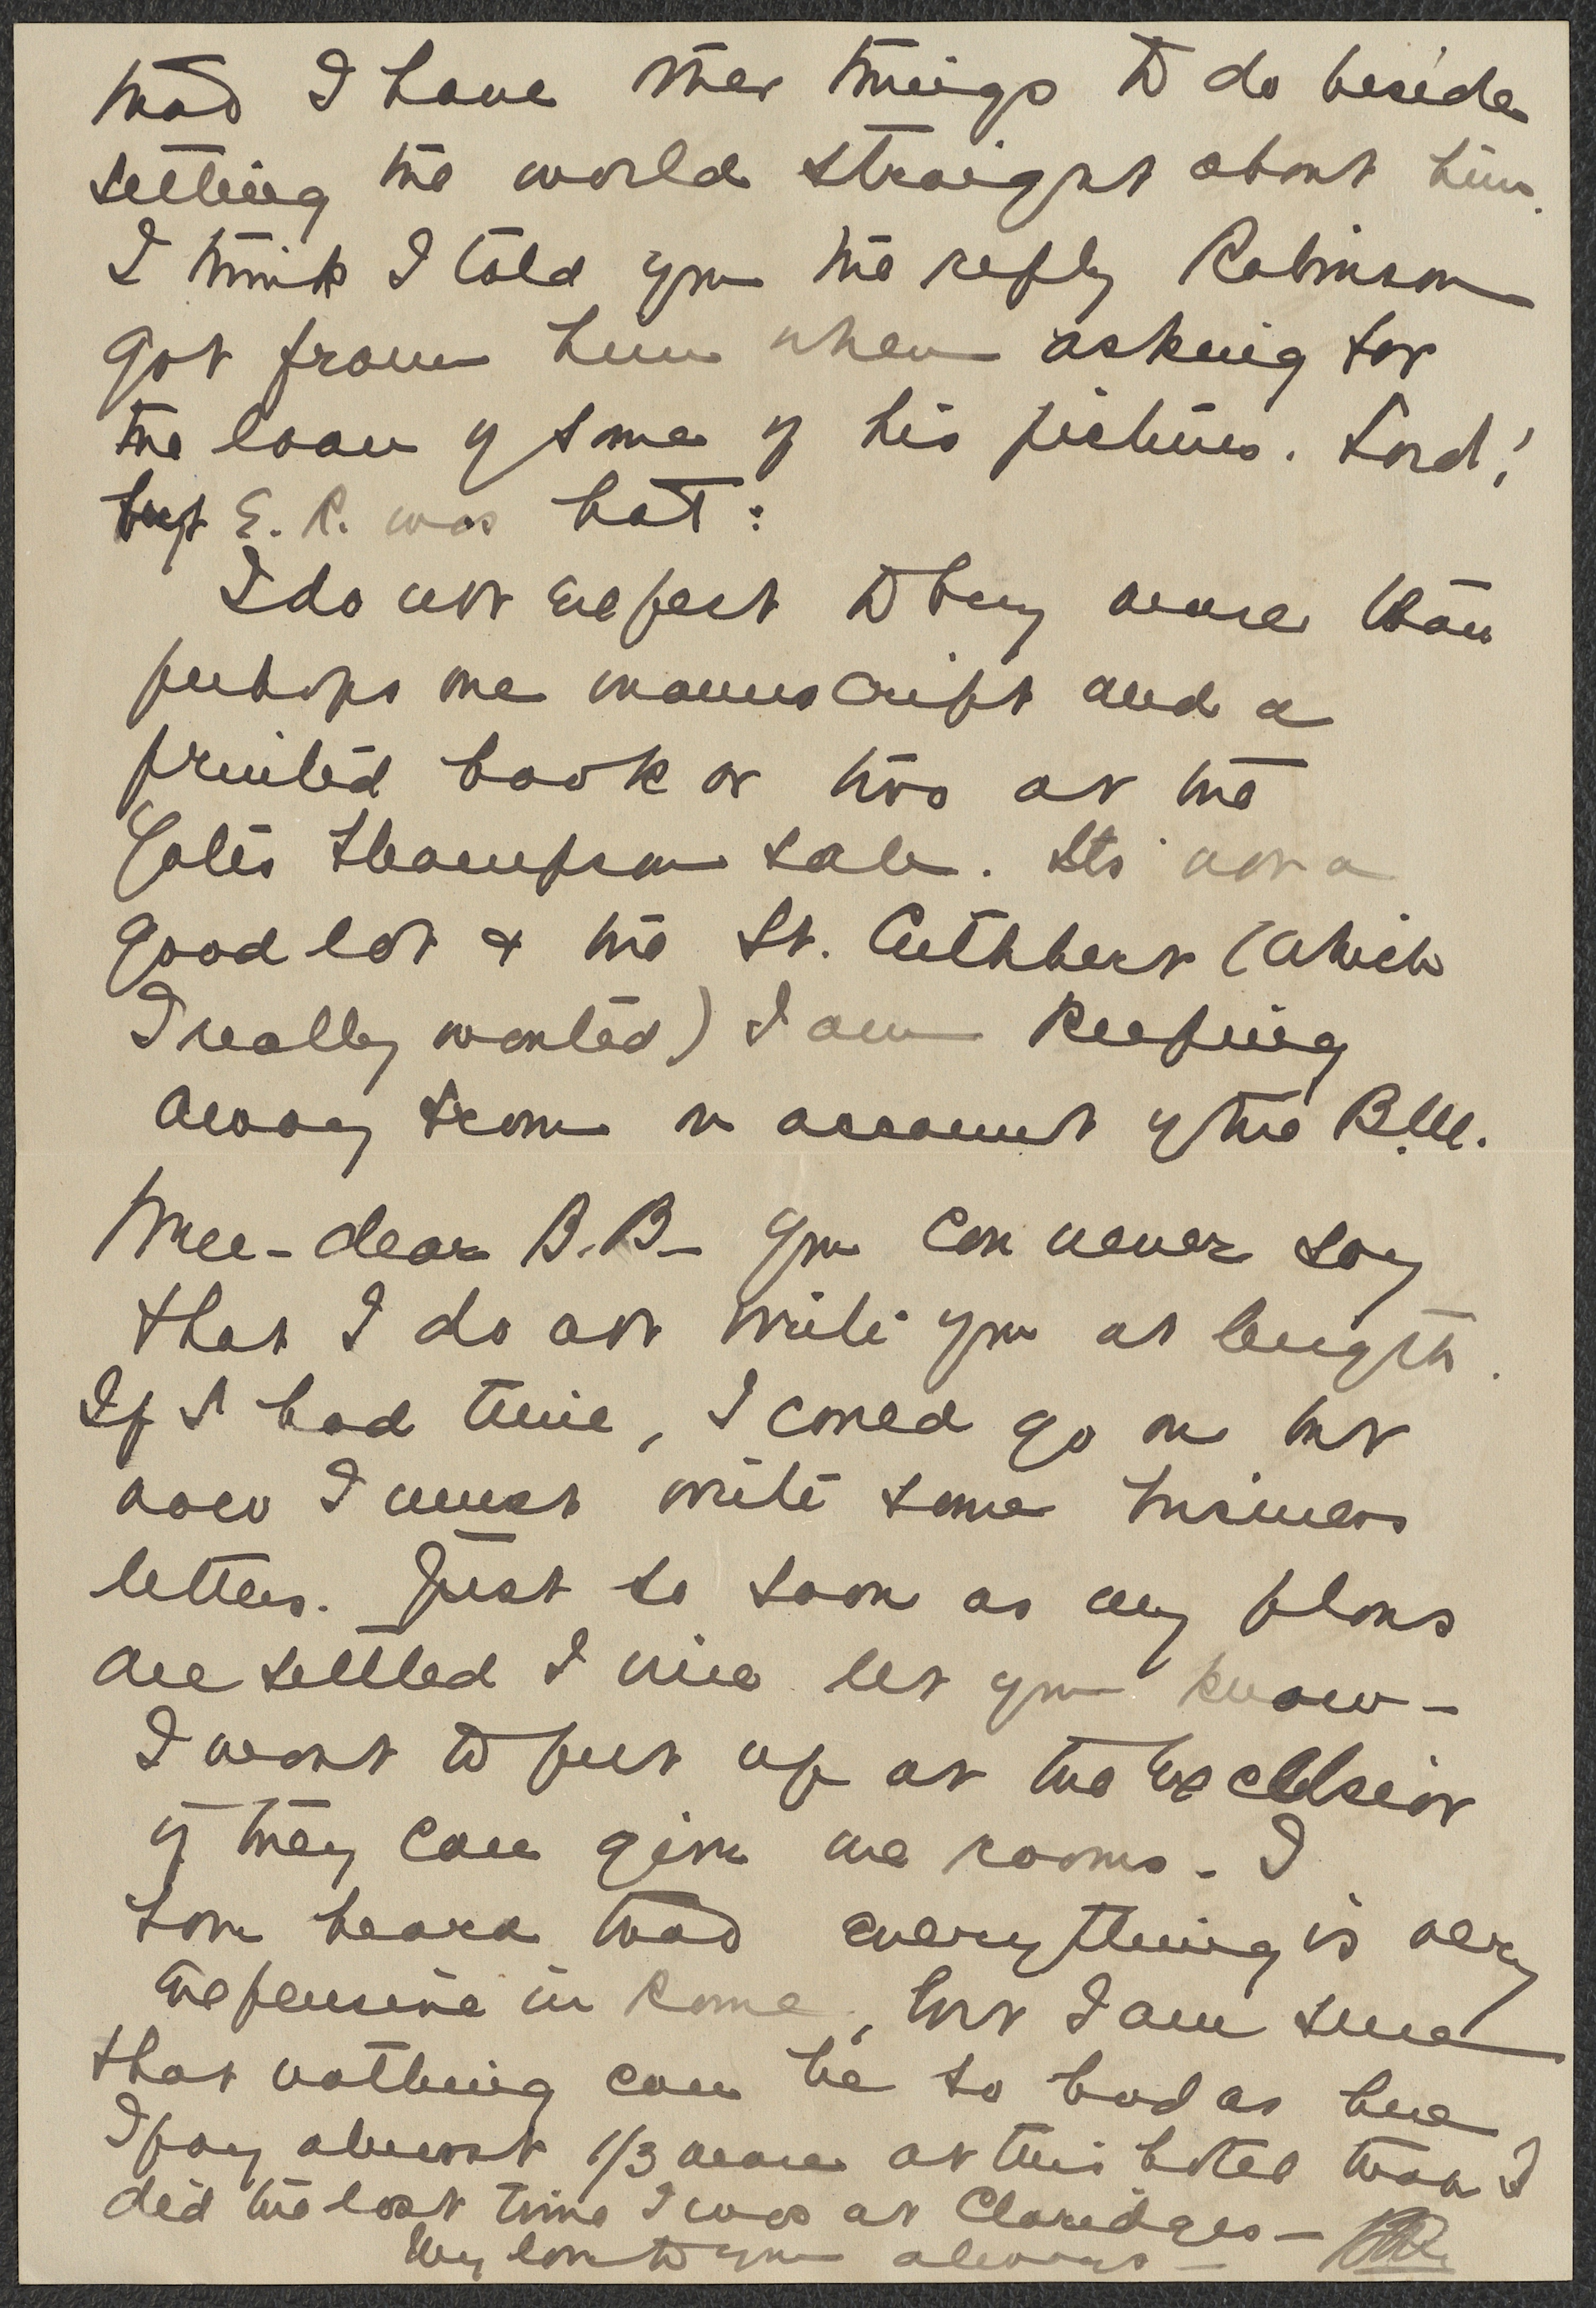that I have other things to do beside setting the world straight about him. I think I told you the reply Robinson got from him when asking for the loan of some of his pictures. Lord! but E.R. was hot:
I do not expect to buy more than perhaps one manuscript and a printed book or two at the Yates Thompson sale. Its not a good lot & the St. Cuthbert (which I really wanted) I am keeping away from on account of the B.M.
Well – dear B.B. – You can never say that I do not write you at length. If I had time, I could go on but now I must write some business letters. Just so soon as my plans are settled I will let you know –
I want to put up at the Excelsior if they can give me rooms. I have heard that everything is very expensive in Rome, but I am sure that nothing can be so bad as here
I pay almost 1/3 more at this hotel than I did the last time I was at Claridge's –
My love to you always –
Belle